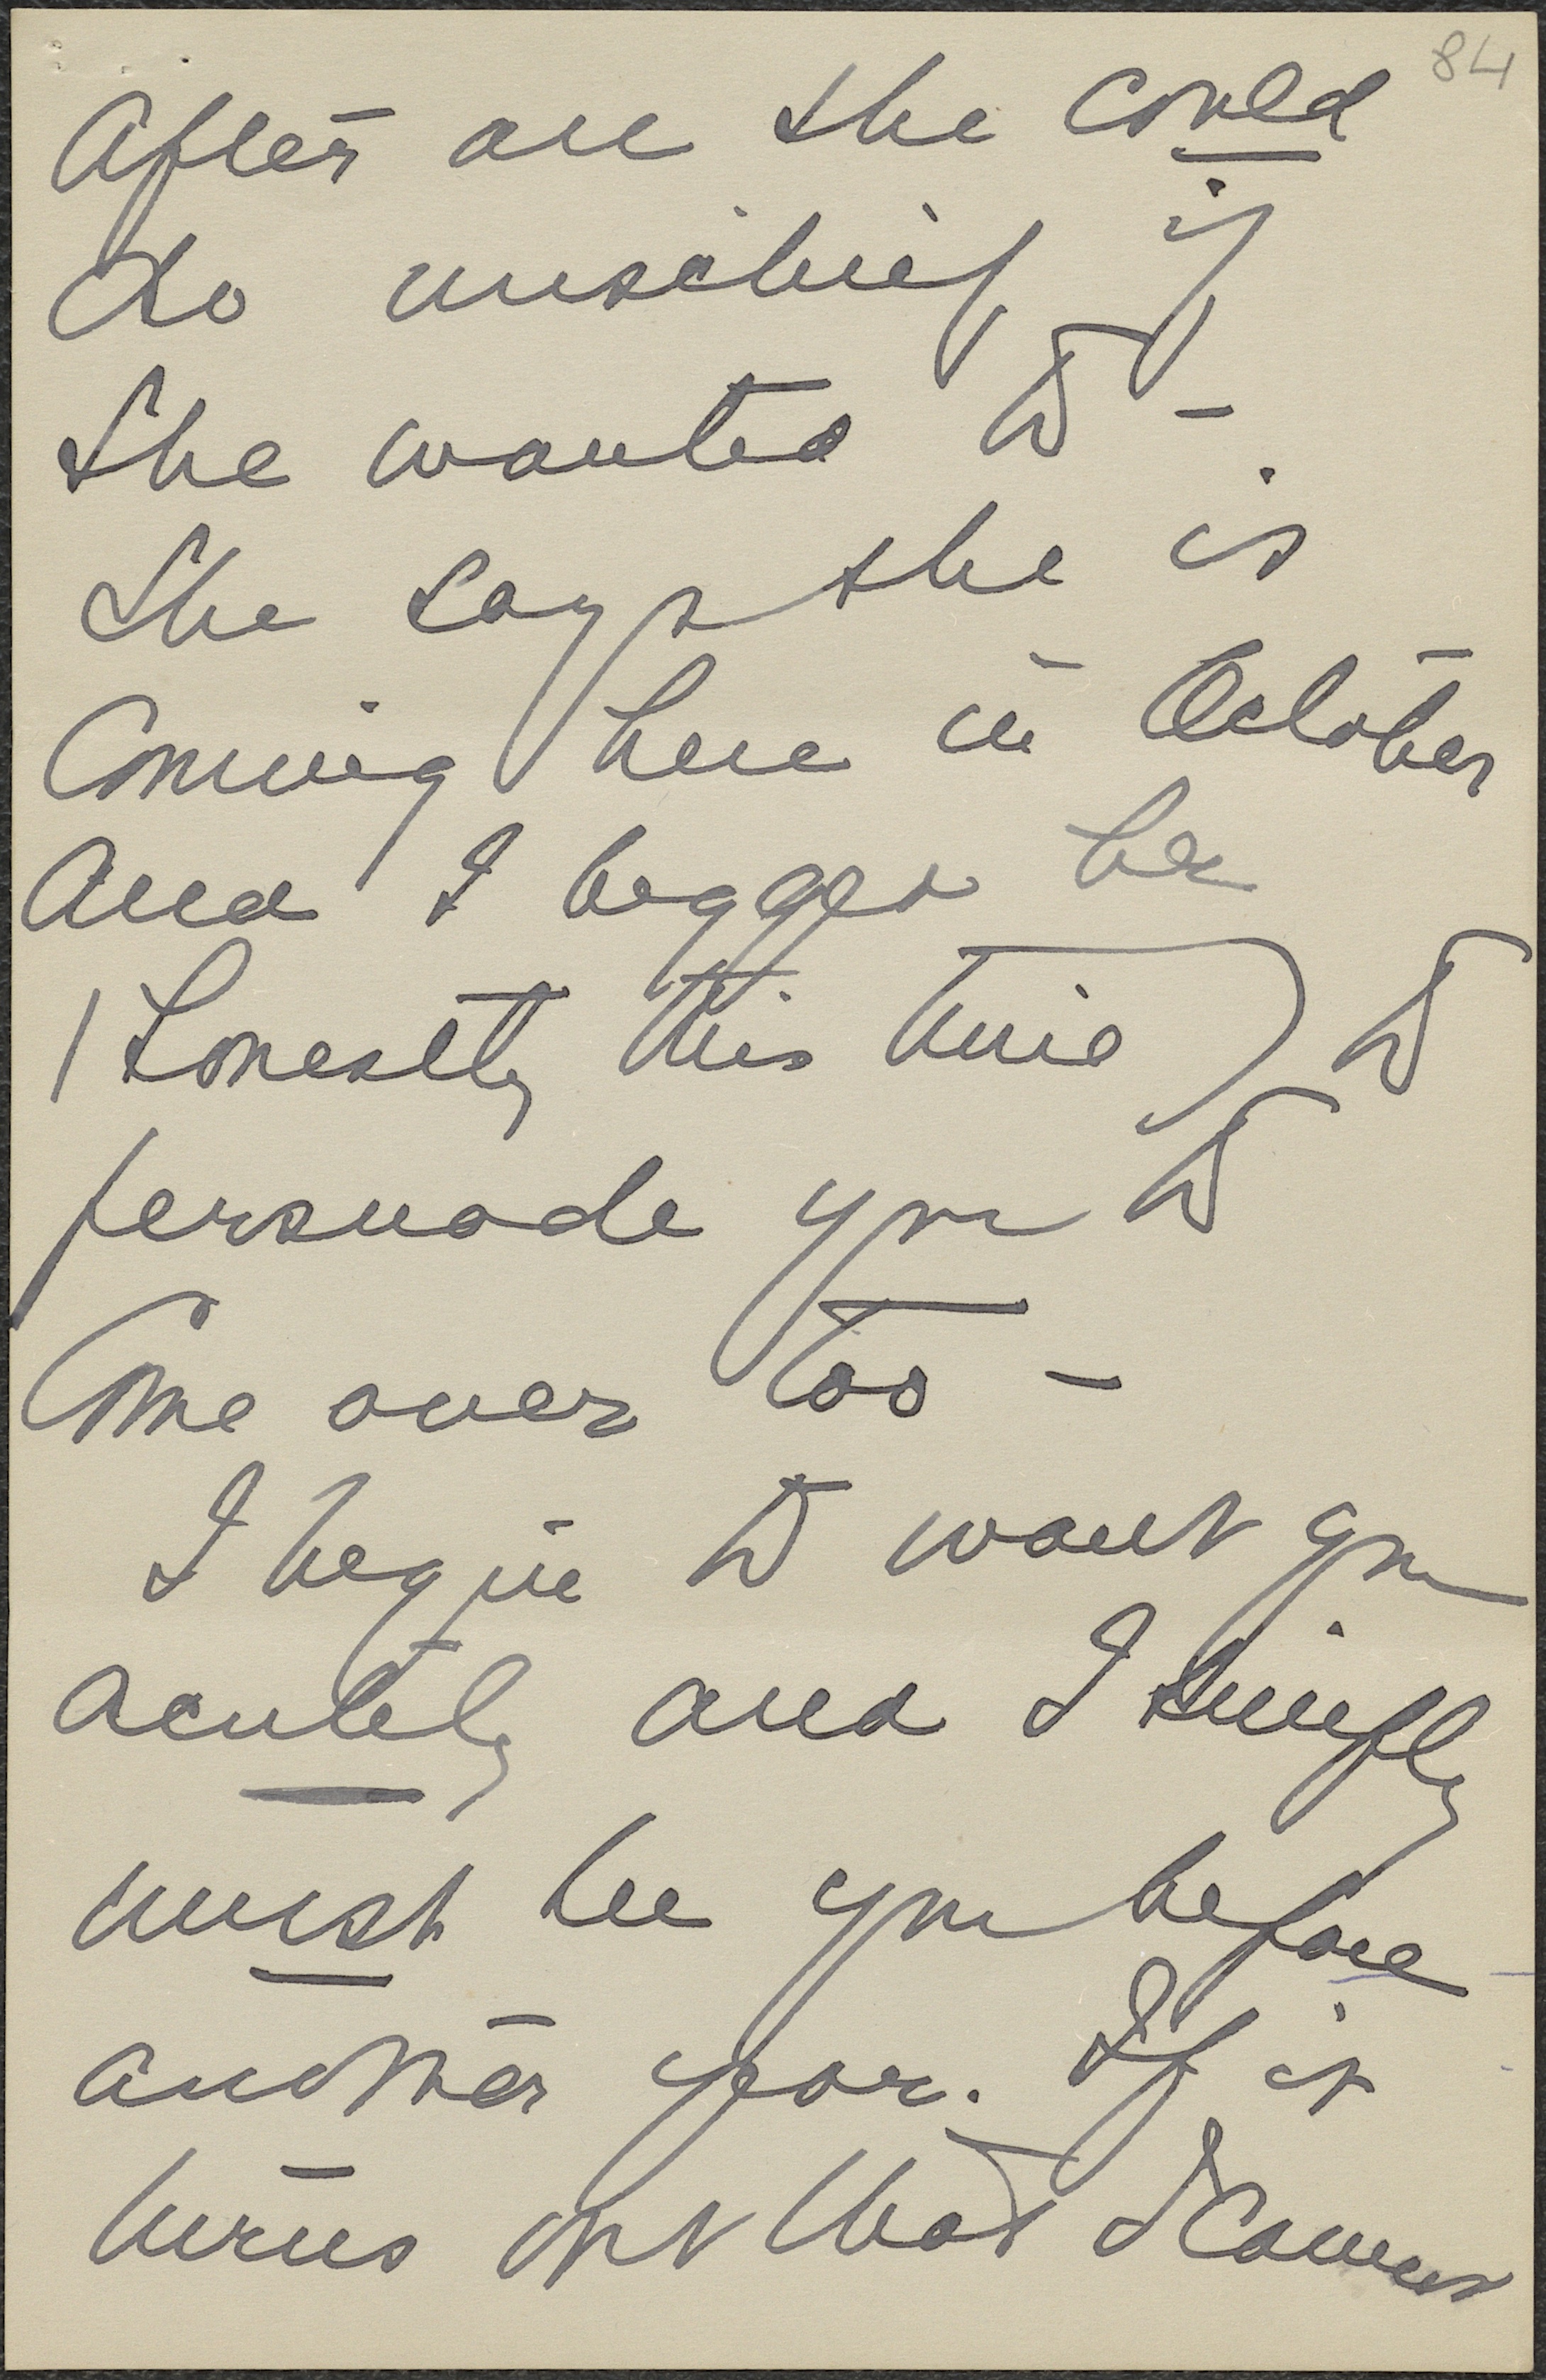after all she could do mischief if she wanted to – She says she is coming here in October and I begged her (honestly this time) to persuade you to come over too – I begin to want you acutely and I simply must see you before another year. If it turns out that I cannot